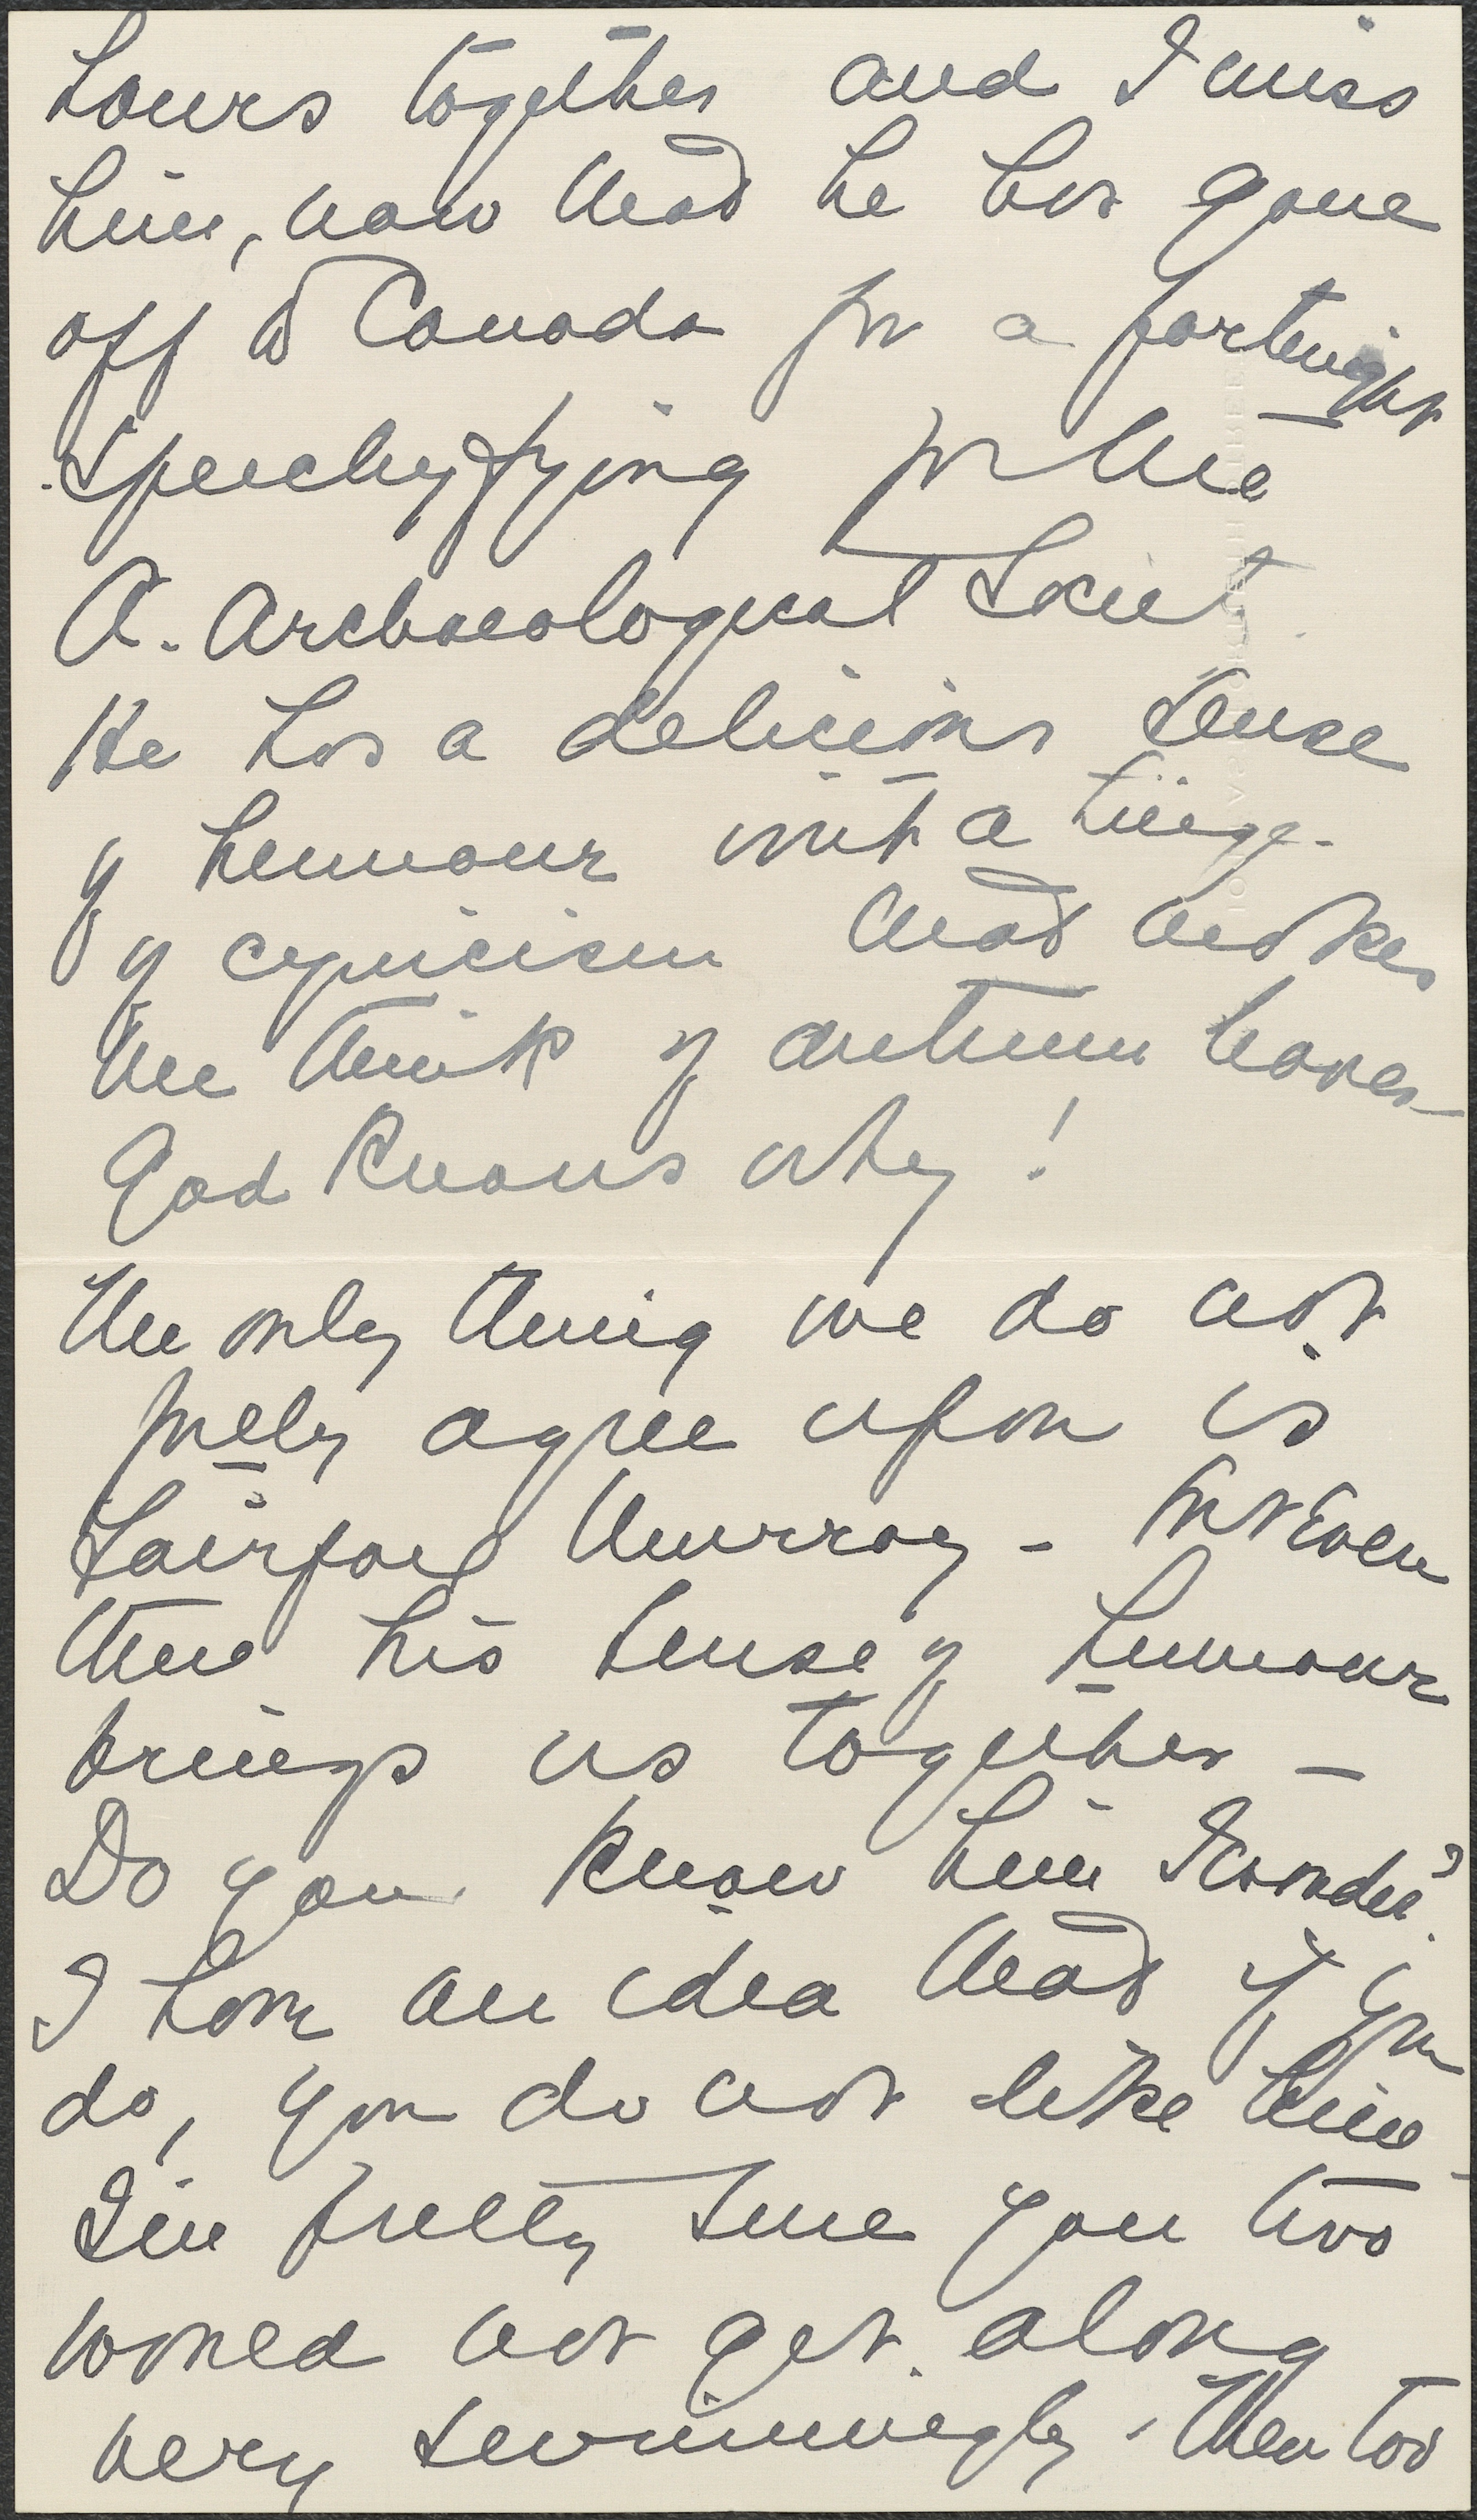hours together and I miss him, now that he has gone off to Canada for a fortnight speechyfying for the A. Archaeological Society. He has a delicious sense of humour with a tinge of cynicism that makes me think of autumn leaves – God knows why!
The only thing we do not fully agree upon is Fairfax Murray – but even there his sense of humour brings us together –Do you know him I wonder? I have an idea that if you do, you do not like him. I’m pretty sure you two would not get along very swimmingly – then too